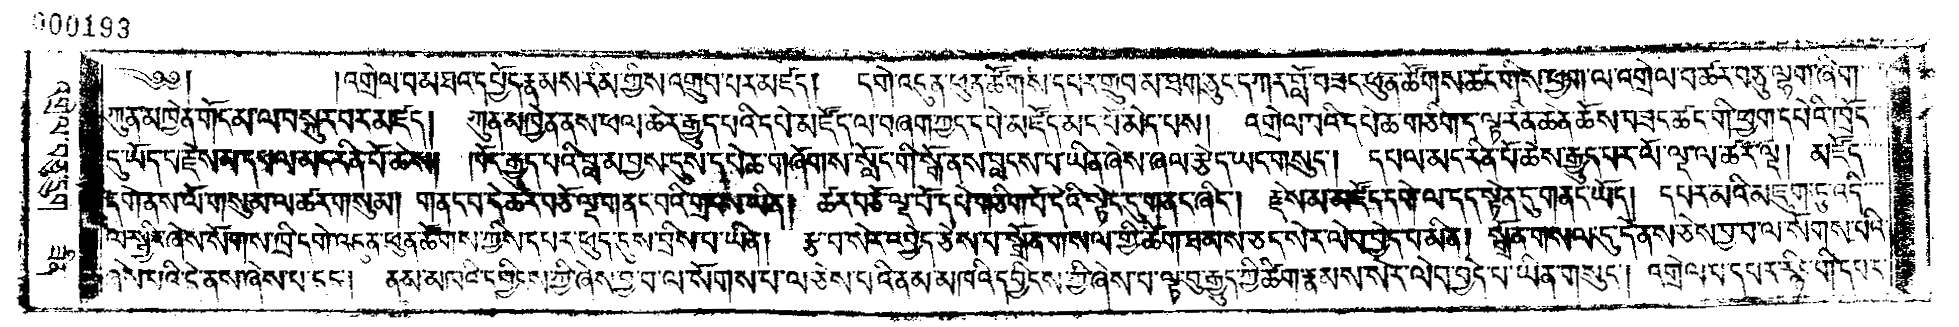༄༅། །འགྲེལ་བ་མཐའ་དཔྱོད་རྣམས་རིམ་གྱིས་འགྲུབ་པར་མཛད། དགེ་འདུན་ཕུན་ཚོགས་དཔར་གྲུབ་མ་ཐག་ཅུང་དཀར་བློ་བཟང་ཕུན་ཚོགས་ཚང་གིས་ཕྱག་ལ་འགྲེལ་བ་ཚར་བཅུ་ལྷག་ཞིག་
ཀུན་མཁྱེན་གོང་མ་ལ་བསྐུར་བར་མཛད། ཀུན་མཁྱེན་ནས་ཕལ་ཆེར་རྒྱུད་པའི་དཔེ་མཛོད་ལ་བཞག་ཀྱང་དཔེ་མཛོད་མང་པོ་མེད་པས། འགྲེལ་བའི་དཔེ་ཆ་ཅིག་ད་ལྟ་རིན་ཆེན་ཆོས་བཟང་ཚང་གི་ཕྱག་དཔེའི་ཁྲོད་
དུ་ཡོད་པ་རྗེས་མ་དཔལ་མང་རིན་པོ་ཆེས། ཁོང་རྒྱུད་པའི་བླ་མ་བྱས་དུས་དཔེ་ཆ་གཞོགས་སློང་གི་སྒོ་ནས་བླངས་པ་ཡིན་ཞེས་ཞལ་རྩེད་ཡང་གསུང་། དཔལ་མང་རིན་པོ་ཆེས་རྒྱུད་པར་ལོ་ལྔ་ལ་ཚར་ལྔ། མཛོད་
དགེ་ནས་ལོ་གསུམ་ལ་ཚར་གསུམ། གནང་བ་དེ་ཚར་བཅོ་ལྔ་གནང་བའི་གྲངས་ཡིན། ཚར་བཅོ་ལྔ་པོ་དཔེ་གཅིག་པོ་དེའི་སྟེང་དུ་གནང་ཞིང་། རྗེས་མ་མཛོད་དགེ་ལ་དད་སྟེན་དུ་གནང་ཡོད། དཔར་མའི་མཇུག་ཏུ་འདི་
ལ་སྤྱིར་ཞེས་སོགས་ཁྲི་དགེ་འདུན་ཕུན་ཚོགས་ཀྱིས་དཔར་ཕུད་དུས་བྲིས་པ་ཡིན། རྩ་བ་སེར་འབྱེད་ཅེས་པ་སྒྲོན་གསལ་གྱི་ཚིག་ཐམས་ཅད་སེར་ལེབ་བྱེད་པ་མིན། སྒྲོན་གསལ་དུ་དེ་ནས་ཅེས་བྱ་བ་ལ་སོགས་པའི་
ཞེས་པའི་དེ་ནས་ཞེས་པ་དང་། ནམ་མཁའི་དབྱིངས་ཀྱི་ཞེས་བྱ་བ་ལ་སོགས་པ་ལ་ཅེས་པའི་ནམ་མཁའི་དབྱིངས་ཀྱི་ཞེས་པ་ལྟ་བུ་རྒྱུད་ཀྱི་ཚིག་རྣམས་སེར་ལེབ་བྱེད་པ་ཡིན་གསུང་། འགྲེལ་པ་དཔར་རྙིང་གི་དཔར་